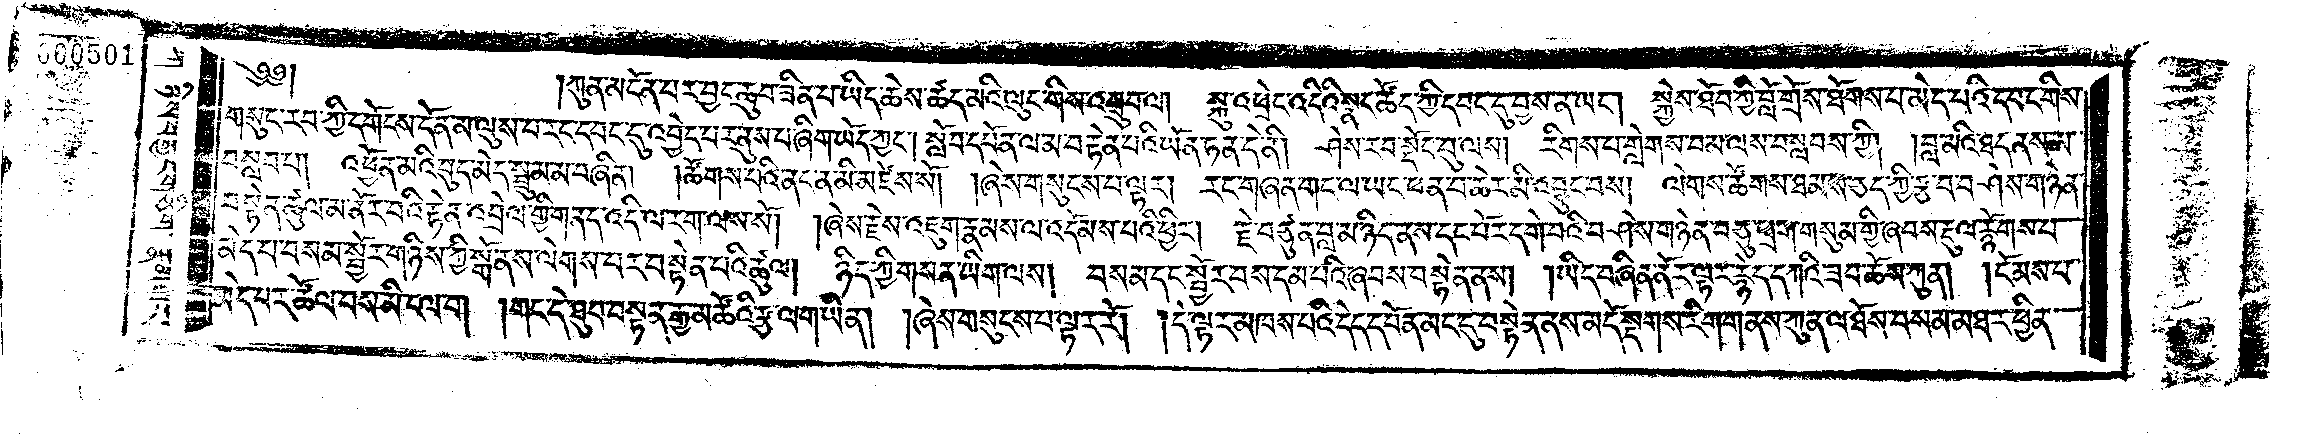༄༅། །ཀུན་མངོན་པར་བྱང་ཆུབ་ཟིན་པ་ཡིད་ཆེས་ཚད་མའི་ལུང་གིས་འགྲུབ་ལ། སྐུ་འཕྲེང་འདིའི་སྣང་ཚོད་ཀྱི་དབང་དུ་བྱས་ན་ཡང་། སྐྱེས་ཐོབ་ཀྱི་བློ་གྲོས་ཐོགས་པ་མེད་པའི་དབང་གིས་
གསུང་རབ་ཀྱི་དགོངས་དོན་མ་ལུས་པ་རང་དབང་དུ་འབྱེད་པར་ནུས་པ་ཞིག་ཡོད་ཀྱང་། སློབ་དཔོན་ལམ་བརྟེན་པའི་ཡོན་ཏན་དེ་ནི། ཤེས་རབ་སྡོང་བུ་ལས། རིགས་པ་གླེགས་བམ་ལས་བསླབས་ཀྱི། །བླ་མའི་ཐད་ནས་མ་
བསླབ་པ། འཕྱོན་མའི་བུད་མེད་སྤྲུམ་མ་བཞིན། །ཚོགས་པའི་ནང་ན་མི་མཛེས་སོ། །ཞེས་གསུངས་པ་ལྟར། རང་གཞན་གང་ལ་ཡང་ཕན་བ་ཆེར་མི་འབྱུང་བས། ལེགས་ཚོགས་ཐམས་ཅད་ཀྱི་རྩ་བ་བཤེས་གཉེན་
བསྟེན་ཚུལ་མ་ནོར་བའི་རྟེན་འབྲེལ་གྱི་གནད་འདི་ལ་རག་ལས་སོ། །ཞེས་རྗེས་འཇུག་རྣམས་ལ་འདོམས་པའི་ཕྱིར། རྗེ་བཙུན་བླ་མ་ཉིད་ནས་དང་པོར་དགེ་བའི་བཤེས་གཉེན་བཅུ་ཕྲག་གསུམ་གྱི་ཞབས་རྡུལ་རྙོགས་པ་
མེད་པ་བསམ་སྦྱོར་གཉིས་ཀྱི་སྒོ་ནས་ལེགས་པར་བསྟེན་པའི་ཚུལ། ཉིད་ཀྱི་གསན་ཡིག་ལས། བསམ་དང་སྦྱོར་བས་དམ་པའི་ཞབས་བསྟེན་ནས། །ཡིད་བཞིན་ནོར་ལྟར་རྙེད་དཀའི་ཟབ་ཆོས་ཀུན། །ངོམས་པ་
མེད་པར་ཚོལ་བས་མི་ངལ་བ། །གང་དེ་ཐུབ་བསྟན་རྒྱ་མཚོའི་རྩ་ལག་ཡིན། །ཞེས་གསུངས་པ་ལྟར་རོ། །དེ་ལྟར་མཁས་པའི་དེད་དཔོན་མང་དུ་བསྟེན་ནས་མདོ་སྔགས་རིག་གནས་ཀུན་ལ་ཐོས་བསམ་མཐར་ཕྱིན་